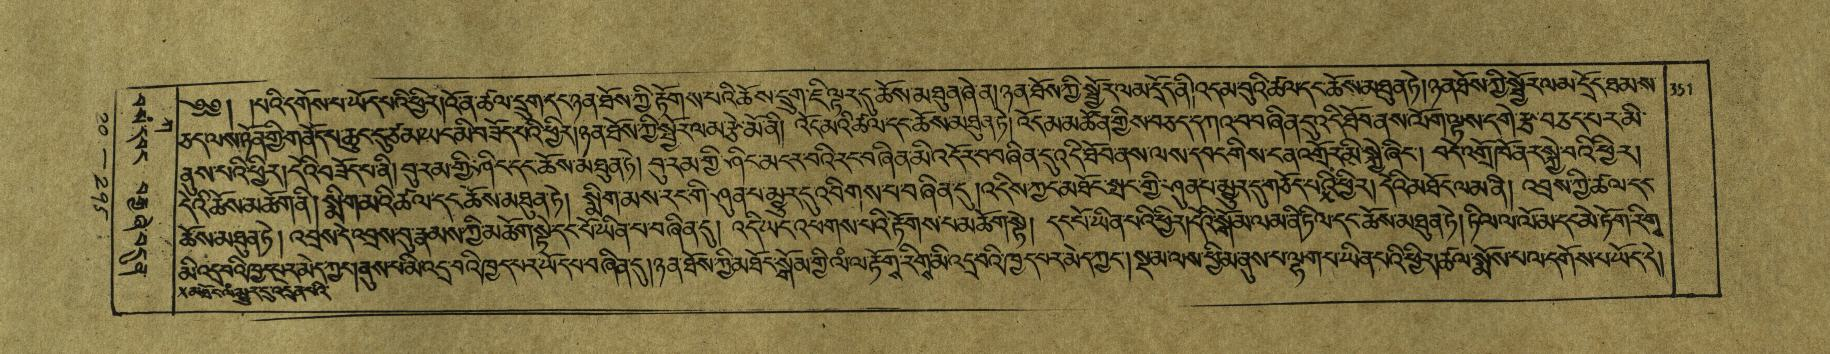༄༅། །པའི་དགོས་པ་ཡོད་པའི་ཕྱིར། འོ་ན་ཚལ་དྲུག་དང་ཉན་ཐོས་ཀྱི་རྟོགས་པའི་ཆོས་དྲུག་ཇི་ལྟར་དུ་ཆོས་མཐུན་ཞེ་ན། ཉན་ཐོས་ཀྱི་སྦྱོར་ལམ་དྲོད་ནི། འདམ་བུའི་ཚལ་དང་ཆོས་མཐུན་ཏེ། ཉན་ཐོས་ཀྱི་སྦྱོར་ལམ་དྲོད་ཐམས་
ཅད་ལས་ཉོན་གྱི་གནོད་པ་ཆུང་དུ་ཙམ་ཡང་མི་བཟོད་པའི་ཕྱིར། ཉན་ཐོས་ཀྱི་སྦྱོར་ལམ་རྩེ་མོ་ནི། འོང་མའི་ཚལ་དང་ཆོས་མཐུན་ཏེ། འོད་མ་མཚོན་གྱིས་བཅད་དཀའ་བ་བཞིན་དུ་འདི་ཐོབ་ནས་ལོག་ལྟས་དགེ་རྩ་བཅད་པར་མི་
ནུས་པའི་ཕྱིར། དེའི་བཟོད་པ་ནི། བུ་རམ་གྱི་ཤིང་དང་ཆོས་མཐུན་ཏེ། བུ་རམ་གྱི་ཤིང་མངར་བའི་རང་བཞིན་མི་འདོར་བ་བཞིན་དུ་འདི་ཐོབ་ནས་ལས་དབང་གིས་ངན་འགྲོར་མི་སྐྱེ་ཞིང་། བདེ་འགྲོ་ཁོ་ནར་སྐྱེ་བའི་ཕྱིར།
དེའི་ཆོས་མཆོག་ནི། སྨིག་མའི་ཚལ་དང་ཆོས་མཐུན་ཏེ། སྨིག་མས་རང་གི་ཤུན་པ་མྱུར་དུ་འབིགས་པ་བཞིན་དུ་།འདིས་ཀྱང་མཐོང་སྤང་གྱི་ཤུན་པ་མྱུར་དུ་གཅོད་པའི྾་ཕྱིར། དེའི་མཐོང་ལམ་ནི། འབྲས་ཀྱི་ཚལ་དང་
ཆོས་མཐུན་ཏེ། འབྲས་དེ་འབྲས་བུ་རྣམས་ཀྱི་མཆོག་སྟེ་དང་པོ་ཡིན་པ་བཞིན་དུ། འདི་ཡང་འཕགས་པའི་རྟོགས་པ་མཆོག་སྟེ། དང་པོ་ཡིན་པའི་ཕྱིར། དེའི་སྒོམ་ལམ་ནི་ཏིལ་དང་ཆོས་མཐུན་ཏེ། ཏིལ་ལ་ལོ་མ་དང་མེ་ཏོག་རིགས་
མི་འདྲ་བའི་ཁྱད་པར་མེད་ཀྱང་། ནུས་པ་མི་འདྲ་བའི་ཁྱད་པར་ཡོད་པ་བཞིན་དུ། ཉན་ཐོས་ཀྱི་མཐོང་སྒོམ་གྱི་ལཾ་ལ་རྟོགས་རིགས་མི་འདྲ་བའི་ཁྱད་པར་མེད་ཀྱང་། སྔ་མ་ལས་ཕྱི་མ་ནུས་པ་ལྷག་པ་ཡིན་པའི་ཕྱིར། ཚལ་སྨོས་པ་ལ་དགོས་པ་ཡོད་དེ།